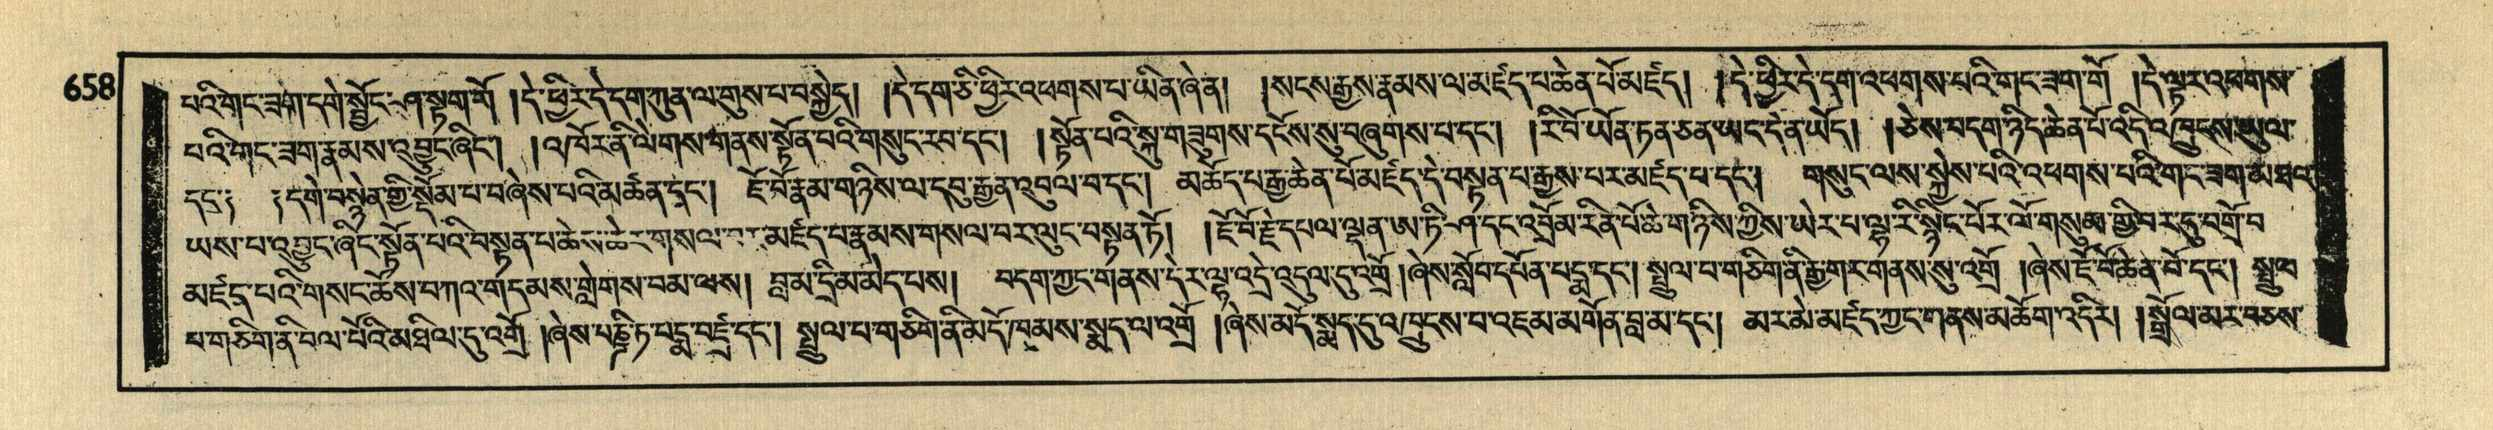པའི་གང་ཟག་དགེ་སྦྱོང་ཤ་སྟག་གོ །དེ་ཕྱིར་དེ་དག་ཀུན་ལ་གུས་པ་བསྐྱེད། །དེ་དག་ཅི་ཕྱིར་འཕགས་པ་ཡིན་ཞེ་ན། །སངས་རྒྱས་རྣམས་ལ་མཛད་པ་ཆེན་པོ་མཛད། །དེ་ཕྱིར་དེ་དག་འཕགས་པའི་གང་ཟག་གོ །དེ་ལྟར་འཕགས་
པའི་གང་ཟག་རྣམས་འབྱུང་ཞིང་། །འཁོར་ནི་ལེགས་གནས་སྟོན་པའི་གསུང་རབ་དང་། །སྟོན་པའི་སྐུ་གཟུགས་དངོས་སུ་བཞུགས་པ་དང་། །རི་བོ་ཡོན་ཏན་ཅན་ཡང་དེ་ན་ཡོད། །ཅེས་བདག་ཉིད་ཆེན་པོ་འདི་འཁྲུངས་ཡུལ་
དང༑ ༑དགེ་བསྙེན་གྱི་སྡོམ་པ་བཞེས་པའི་མཚན་དང་། ཇོ་བོ་རྣམ་གཉིས་ལ་དབུ་རྒྱན་འབུལ་བ་དང་། མཆོད་པ་རྒྱ་ཆེན་པོ་མཛད་དེ་བསྟན་པ་རྒྱས་པར་མཛད་པ་དང་། གསུང་ལས་སྐྱེས་པའི་འཕགས་པའི་གང་ཟག་མཐའ་
ཡས་པ་འབྱུང་ཞིང་སྟོན་པའི་བསྟན་པ་ཆེས་ཆེར་གསལ་བར་མཛད་པ་རྣམས་གསལ་བར་ལུང་བསྟན་ཏོ། །ཇོ་བོ་རྗེ་དཔལ་ལྡན་ཨ་ཏི་ཤ་དང་འབྲོམ་རིན་པོ་ཆེ་གཉིས་ཀྱིས་ཡེར་པ་ལྷ་རི་སྙིང་པོར་ལོ་གསུམ་གྱི་བར་དུ་འགྲོ་བ་
མཛད་པའི་གསང་ཆོས་བཀའ་གདམས་གླེགས་བམ་ལས། བླ་མ་དྲི་མ་མེད་པས། བདག་ཀྱང་གནས་དེར་ལྷ་འདྲེ་འདུལ་དུ་འགྲོ་།ཞེས་སློབ་དཔོན་པདམ་དང་། སྤྲུལ་པ་གཅིག་ནི་རྒྱ་གར་གནས་སུ་འགྲོ་།ཞེས་ཇོ་བོ་ཆེན་པོ་དང་། སྤྲུལ་
པ་གཅིག་ནི་བལ་པོའི་མཐིལ་དུ་འགྲོ། །ཞེས་པཎྜི་ཏ་པདམ་བཛྲ་དང་། སྤྲུལ་པ་གཅིག་ནི་མདོ་ཁམས་སྨད་ལ་འགྲོ་།ཞེས་མདོ་སྨད་དུ་འཁྲུངས་པ་འཇམ་མགོན་བླ་མ་དང་། མར་མེ་མཛད་ཀྱང་གནས་མཆོག་འདིར། །སྒྲོལ་མར་བཅས་